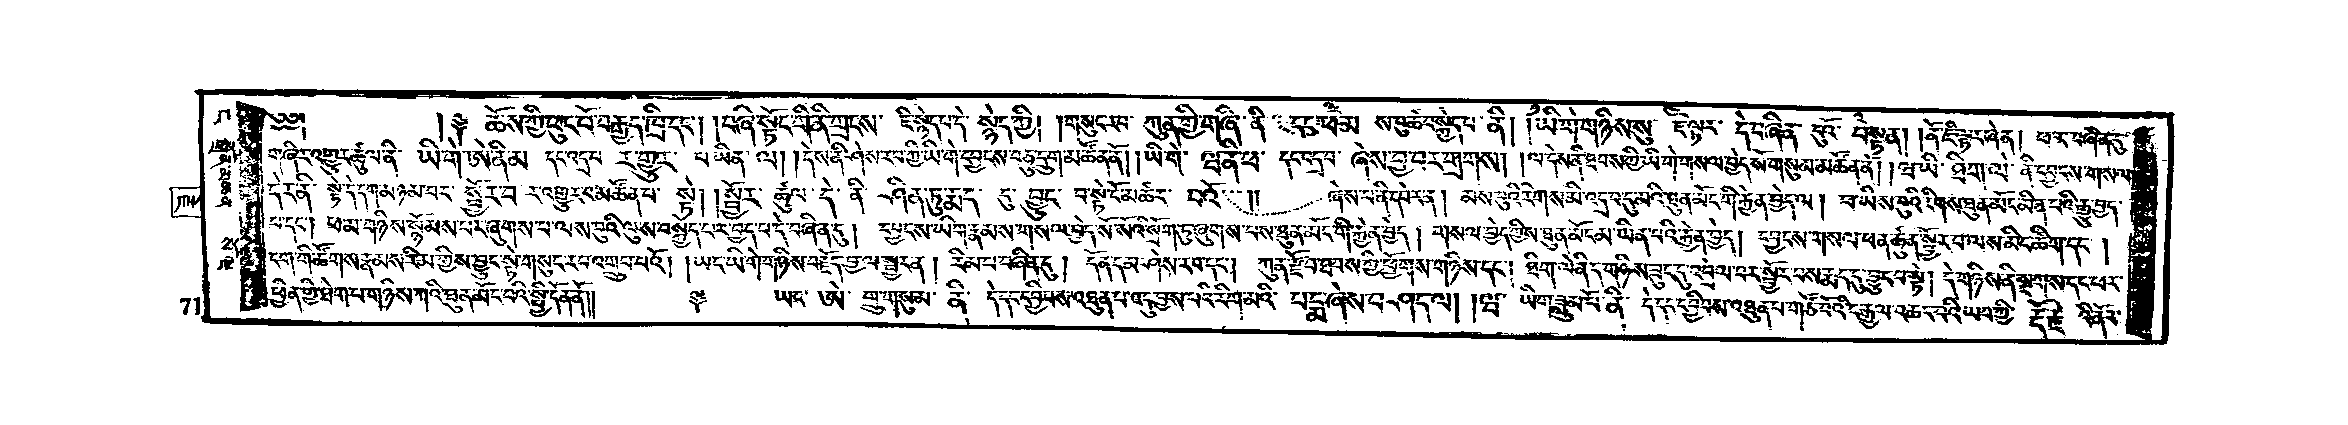༄༅། ། ༈ ཆོས་ཀྱི་ཕུང་པོ་བརྒྱད་ཁྲི་དང་། །བཞི་སྟོང་གི་ནི་གྲངས་ཇི་སྙེད་པ་དེ་སྙེད་ཀྱི། །གསུང་རབ་ཀུན་གྱི་གཞི་ནི་དང་ཕ་མ་ས་བུ་ཚ་བསྐྱེད་པ་ནི། །ཡི་གེ་གཉིས་སུ་ཇི་ལྟར་དེ་བཞིན་དུའོ་བསྟན། །ནོ་ཇི་ལྟར་ཞེ་ན། ཕ་མ་བཞིན་དུ་
གཞིར་འགྱུར་ཚུལ་ནི་ཡི་གེ་ཨེ་ནི་མ་དང་འདྲ་བར་གྱུར་པ་ཡིན་ལ། །དེས་ནི་ཤེས་རབ་ཀྱི་ཡི་གེ་དབྱངས་བཅུ་དྲུག་མཚོན་ནོ། །ཡི་གེ་ཝ་ནི་ཕ་དང་འདྲ་བ་ཞེས་བྱ་བར་གྲགས། །ལ་དེས་ནི་ཐབས་ཀྱི་ཡི་གེ་གསལ་བྱེད་སོ་གསུམ་མཚོན་ནོ། །ཝ་ཡི་ཐིག་ལེ་ནི་དབྱངས་གསལ་
དེར་ནི་སྟེ་དེ་དག་མཉམ་པར་སྦྱོར་བར་འགྱུར་བ་མཚོན་པ་སྟེ། །སྦྱོར་ཚུལ་དེ་ནི་ཤིན་ཏུ་རྨད་དུ་བྱུང་བ་སྟེ་ངོ་མཚར་བའོ།། ཞེས་པ་ནི་དཔེར་ན། མས་བུའི་རིགས་མི་འདྲ་བ་དུ་མའི་ཐུན་མོང་གི་རྐྱེན་བྱེད་ལ། ཕ་ཡིས་བུའི་རིགས་ཐུན་མོང་མིན་པའི་རྒྱུ་བྱད་
པ་དང་། ཕ་མ་གཉིས་སྙོམས་པར་ཞུགས་པ་ལས་བུའི་ལུས་བསྐྱེད་པར་བྱད་པ་དེ་བཞིན་དུ། དབྱངས་ཡིག་རྣམས་གསལ་བྱེད་སོ་སོའི་སྲོག་ཏུ་ཞུགས་པས་ཐུན་མོང་གི་རྐྱེན་བྱེད། གསལ་བྱེད་ཀྱིས་ཐུན་མོང་མ་ཡིན་པའི་རྐྱེན་བྱེད། དབྱངས་གསལ་ཕན་ཚུན་སྦྱོར་བ་ལས་མིང་ཚིག་དང་།
ངག་གི་ཚིགས་རྣམས་རིམ་གྱིས་བྱུང་སྟེ་གསུང་རབ་འགྲུབ་པའོ། །ཡང་ཡི་གེ་གཉིས་བརྗོད་བྱ་ལ་སྦྱར་ན། རིམ་པ་བཞིན་དུ། དོན་དམ་ཤེས་རབ་དང་། ཀུན་རྫོབ་ཐབས་ཀྱི་ཕྱོགས་གཉིས་དང་། ཐིག་ལེ་ནི་དེ་གཉིས་ཟུང་དུ་འབྲེལ་བར་སྦྱོར་བས་རྨད་དུ་བྱུང་བ་སྟེ། དེ་གཉིས་ནི་སྔགས་དང་ཕར་
ཕྱིན་གྱི་ཐེག་པ་གཉིས་ཀའི་ཐུན་མོང་བའི་སྤྱི་དོན་ནོ།། ༈ ཡང་ཨེ་གྲུ་གསུམ་ནི་དེ་དང་དབྱིབས་འཐུན་པ་འདུ་བྱས་པའི་རིག་མའི་པདམ་ཞེས་བཤད་ལ། །ཝ་ཡིག་ཟླུམ་པོ་ནི་དེ་དང་དབྱིབས་འཐུན་པ་གཙོ་བོའི་ང་རྒྱལ་འཆང་བའི་ཡབ་ཀྱི་རྡོ་རྗེའི་ནོར་